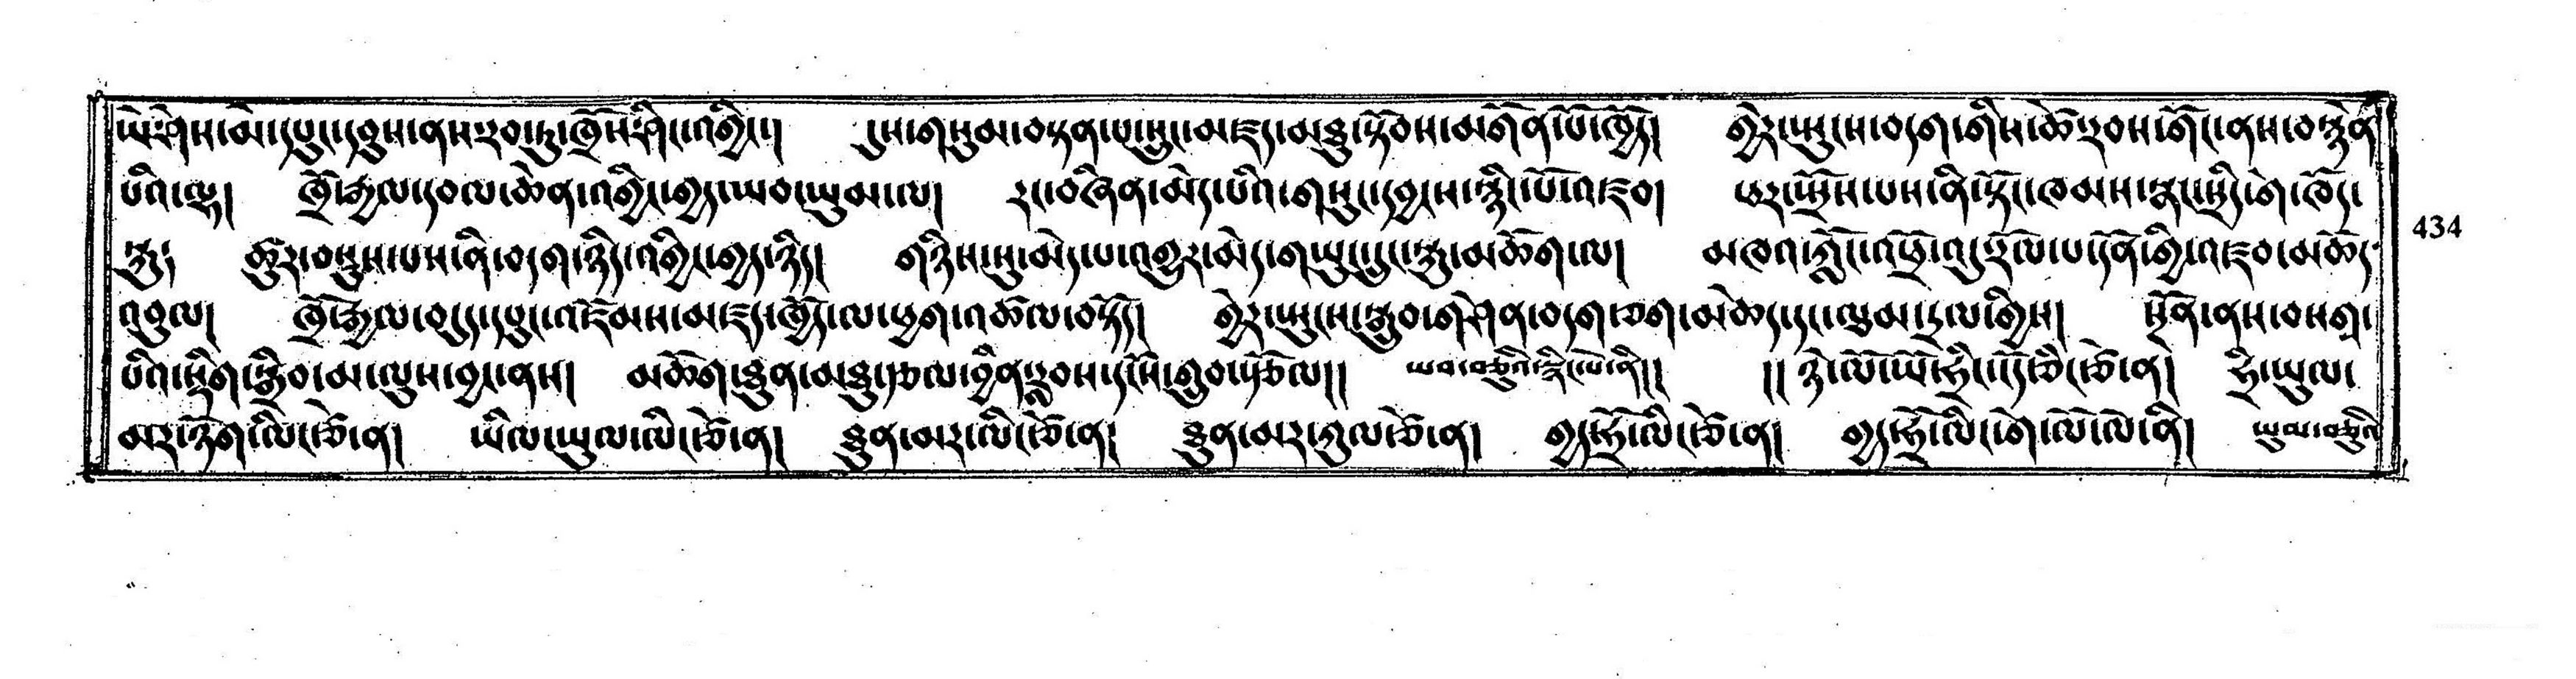ཡེ་ཤེས་མེ་དཔུང་དབུས་ནས་རབ་ཏུ་ཁྲོས་ཤིང་འགྱིང་། དུས་གསུམ་བསྟན་པ་སྲུང་མཛད་མཐུ་སྟོབས་མགོན་པོ་ཁྱོད། གྱེར་སྤུངས་བདག་གིས་ཚེ་རབས་གོང་ནས་བསྙེན་
པའི་ལྷ། ཁྲོ་རྒྱལ་དབལ་ཆེན་འགྱིང་གྱད་ཡབ་ཡུམ་ལ། རང་བཞིན་མེད་པའི་གསུང་དབྱངས་སྙིང་པོ་འཛབ། ཕར་སྤྲོས་པས་ནི་སྟོང་ཁམས་སྣང་སྲིད་གེ་ཁོད་
སྐུ། ཚུར་བསྡུས་པས་ནི་བདག་ཉིད་འགྱིང་གྱད་ཉིད། གཉིས་སུ་མེད་པ་འགྱུར་མེད་གཡུང་དྲུང་སྐུ་མཆོག་ལ། མཁའ་ཀློང་འཕྲོ་འདུ་རོལ་པ་དོན་གྱི་འཛབ་མཆོད་
འབུལ། {447}ཁྲོ་རྒྱལ་བདུད་དཔུང་འཇོམས་མཛད་ཁྱོད་ལ་ཕྱག་འཚལ་བསྟོད། གྱེར་སྤུངས་སྒྲུབ་གཤེན་བདག་ཅག་མཆེད་དང་ལྕམ་དྲལ་གྱིས། སྔོན་ནས་བསགས་
པའི་སྡིག་སྒྲིབ་མ་ལུས་ཀུན་བྱང་ནས། མཆོག་ཐུན་མཐུ་རྩལ་བྱིན་རླབས་དངོས་གྲུབ་སྩོལ།། ཡབ་བཅུའི་སྙིང་པོ་ནི།། །།ཉེ་ལོ་ཡོ་ཧྲིང་ངོད་ཅིང་ཙེ་ན། ཧྲི་ཡུལ་
མར་ཉོག་ལིང་ཙེ་ན། ཡིལ་ཡུལ་ལིང་ཙེ་ན། ཐུན་མར་ལིང་ཙེ་ན། ཐུན་མར་ཀུལ་ཙེ་ན། གྱད་ཧྲོ་ལིང་ཙེ་ན། གྱད་ཧྲོ་ལིང་གེ་ལོ་ལེ་ནི། ཡུམ་བཅུའི་